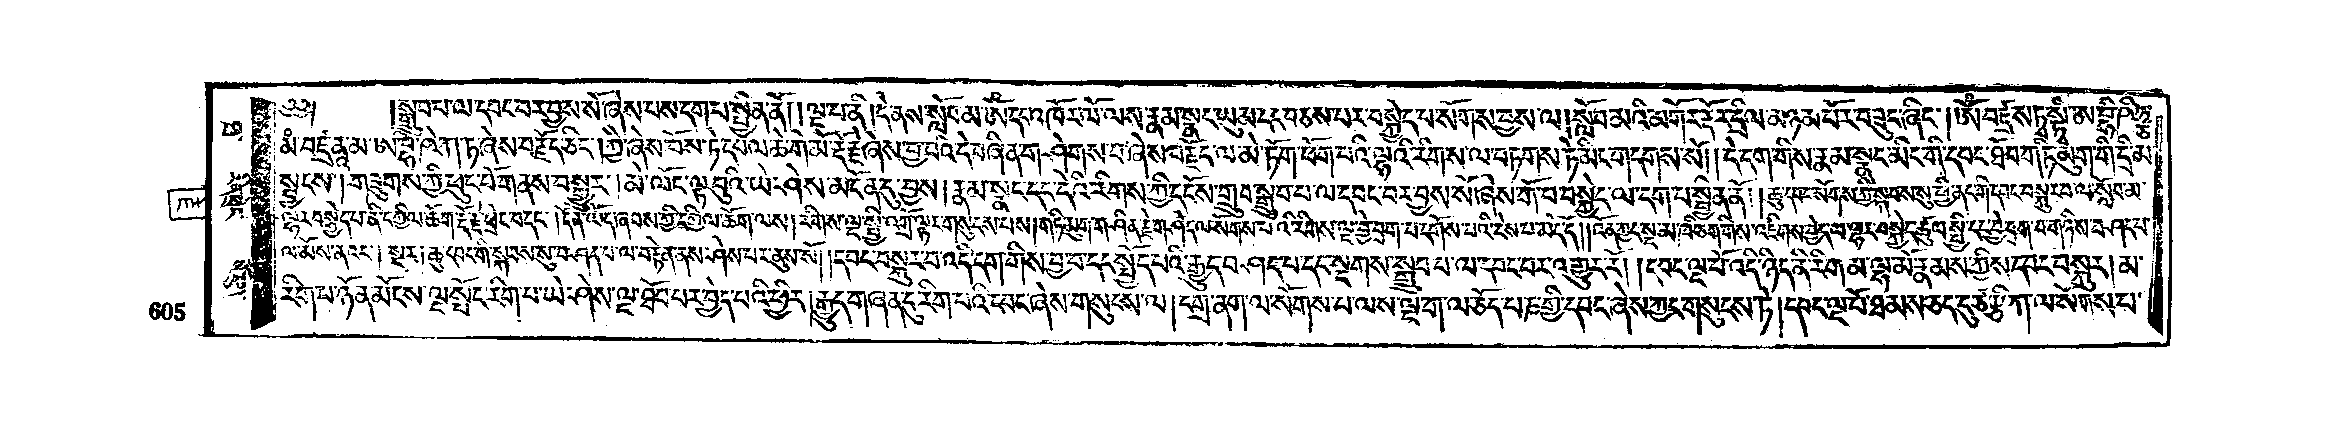༄༅། །སྒྲུབ་པ་ལ་དབང་བར་བྱས་སོ་ཞེས་པས་དག་པ་སྤྱིན་ནོ། །ལྔ་པ་ནི། དེ་ནས་སློབ་མ་ཨོཾ་དང་འཁོར་ལོ་ལས་རྣམ་སྣང་ཡུམ་དང་བཅས་པར་བསྐྱེད་པ་སོགས་བྱས་ལ། སློབ་མའི་མགོར་རྡོར་དྲིལ་མཉམ་པོར་བཟུང་ཞིང་། ཨོཾ་བཛྲ་སཏྭ་སྟྭཾ་ཨ་བྷེ་ཥེ་ཉྩ་?
མཾ་བཛྲ་ནཱ་མ་ཨ་བྷི་ཥེ་ཀ་ཏ་ཞེས་བརྗོད་ཅིང་། ཀྱཻ་ཞེས་བོས་ཏེ་དཔལ་ཆེ་གེ་མོ་རྡོ་རྗེ་ཞེས་བྱ་བའི་དེ་བཞིན་གཤེགས་པ་ཞེས་བརྗོད་ལ་མེ་ཏོག་ཕོག་པའི་ལྷའི་རིགས་ལ་བཏགས་ཏེ་མིང་གདགས་སོ། །དེ་དག་གིས་རྣམ་སྣང་མིང་གི་དབང་ཐོབ་གཏི་མུག་གི་དྲི་མ་
སྦྱངས། གཟུགས་ཀྱི་ཕུང་པོ་གནས་བསྒྱུར། མེ་ལོང་ལྟ་བུའི་ཡེ་ཤེས་མངོན་དུ་བྱས། རྣམ་སྣང་དང་དེའི་རིགས་ཀྱི་དངོས་གྲུབ་སྒྲུབ་པ་ལ་དབང་བར་བྱས་སོ་ཞེས་གོ་བ་བསྐྱེད་ལ་དག་པ་སྦྱིན་ནོ། །ཆུ་དབང་སོགས་ཀྱི་སྐབས་སུ་ཕྱི་ནང་གི་དབང་བསྐུར་བ་ལ་སློབ་མ་
ལྷར་བསྐྱེད་པ་ནི་དཀྱིལ་ཆོག་རྡོ་རྗེ་ཕྲེང་བ་དང་། དོན་ཡོད་ཞབས་ཀྱི་དཀྱིལ་ཆོག་ལས། རིགས་ལྔ་སྤྱི་འགྲོ་ལྟར་གསུངས་པས། གཏི་མུག་གཤིན་རྗེ་གཤེད་ལ་སོགས་པའི་རིགས་ལྔ་བྱེ་བྲག་པ་དགོས་པའི་ངེས་པ་མེད་དོ། །འོན་ཀྱང་སྔ་མ་ཁ་ཅིག་གིས་འཇིགས་བྱེད་ལ་ལྷར་བསྐྱེད་ཚུལ་སྤྱི་དང་བྱེ་བྲག་པ་གཉིས་བཤད་པ་
ལ་མོས་ནའང་། སྔར། ཆུ་དབང་གི་སྐབས་སུ་བཤད་པ་ལ་བརྟེན་ནས་ཤེས་པར་ནུས་སོ། །དབང་བསྐུར་བ་འདི་དག་གིས་བྱ་བ་དང་སྤྱོད་པའི་རྒྱུད་བཤད་པ་དང་སྔགས་སྒྲུབ་པ་ལ་དབང་བར་འགྱུར་རོ། །དབང་ལྔ་པོ་འདི་ཉིད་ནི་རིག་མ་ལྷ་མོ་རྣམས་ཀྱིས་དབང་བསྐུར། མ་
རིག་པ་ཉོན་མོངས་ལྔ་སྤོང་རིག་པ་ཡེ་ཤེས་ལྔ་ཐོབ་པར་བྱེད་པའི་ཕྱིར། རྒྱུད་གཞན་དུ་རིག་པའི་དབང་ཞེས་གསུངས་ལ། དགྲ་ནག་ལ་སོགས་པ་ལས་ལྔ་ག་ལ་ཅོད་པཎ་གྱི་དབང་ཞེས་ཀྱང་གསུངས་ཏེ། དབང་ལྔ་པོ་ཐམས་ཅད་དུ་ཙ་རྩི་ཀ་ལ་སོགས་པ་